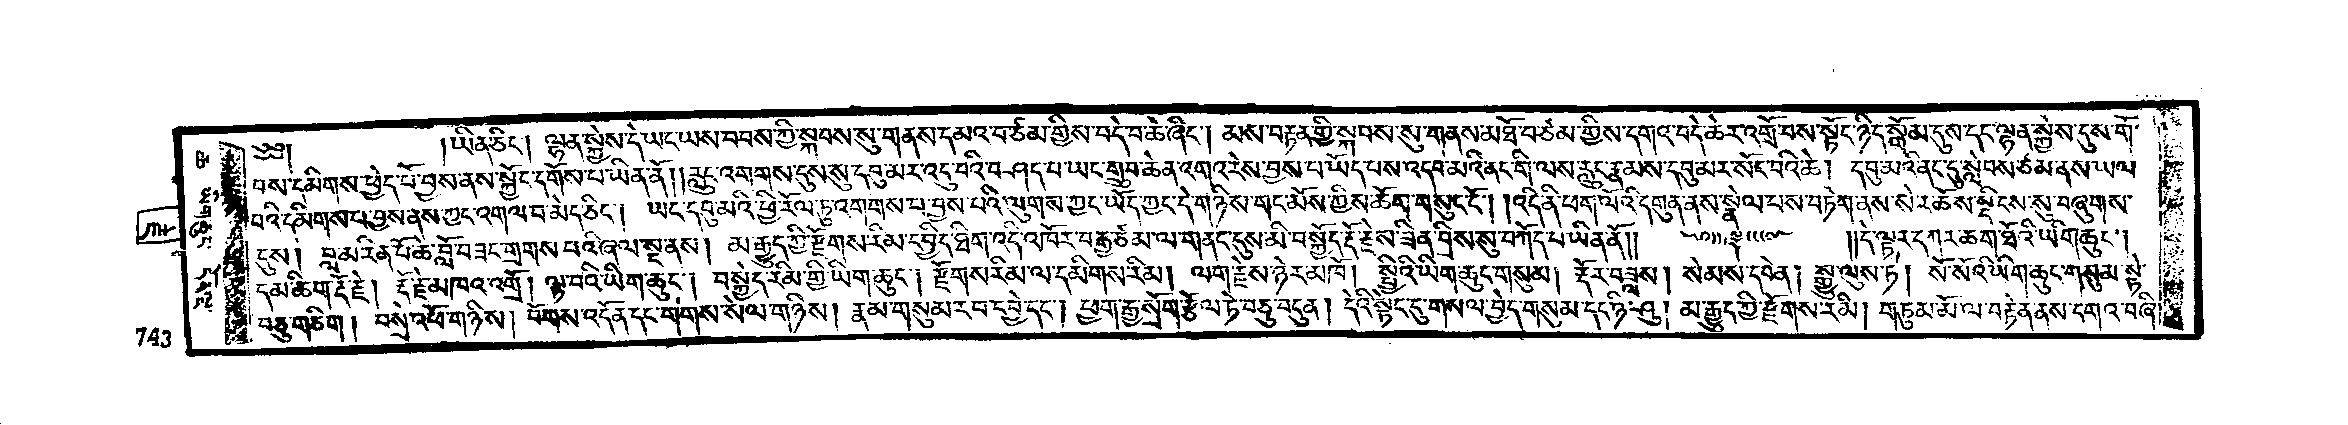༄༅། །ཡིན་ཅིང་། ལྷན་སྐྱེས་དེ་ཡང་ཡས་བབས་ཀྱི་སྐབས་སུ་གནས་དམའ་བ་ཙམ་གྱིས་བདེ་བ་ཆེ་ཞིང་། མས་བརྟན་གྱི་སྐབས་སུ་གནས་མཐོ་བ་ཙམ་གྱིས་དགའ་བདེ་ཆེར་འགྲོ་བས་སྟོང་ཉིད་སྒོམ་དུས་དང་ལྷན་སྐྱེས་དུས་གོ་
བས་དམིགས་ཕྱེད་པོ་བྱས་ནས་སྐྱོང་དགོས་པ་ཡིན་ནོ། །རླུང་འགགས་དུས་སུ་དབུ་མར་འདུ་བའི་བཤད་པ་ཡང་གྲུབ་ཆེན་འགའ་རེས་བྱས་པ་ཡོད་པས་འདབ་མའི་ནང་གི་ལས་རླུང་རྣམས་དབུ་མར་སོང་བའི་ཚེ། དབུ་མའི་ནང་དུ་སླེབས་ཙམ་ནས་ཡལ་
བའི་དམིགས་པ་བྱས་ནས་ཀྱང་འགལ་བ་མེད་ཅིང་། ཡང་དབུ་མའི་ཕྱི་རོལ་ཏུ་འགགས་པ་བྱས་པའི་ལུགས་ཀྱང་ཡོད་ཀྱང་དེ་གཉིས་གང་མོས་ཀྱིས་ཆོག་གསུང་ངོ། །འདི་ནི་ཕག་ལོའི་དགུན་ནས་སྣེལ་པས་བཏེག་ནས་སེ་ར་ཆོས་སྡིངས་སུ་བཞུགས་
དུས། བླ་མ་རིན་པོ་ཆེ་བློ་བཟང་གྲགས་པའི་ཞལ་སྔ་ནས། མ་རྒྱུད་ཀྱི་རྫོགས་རིམ་དཔྱིད་ཐིག་འདི་འཁོར་བརྒྱ་ཙམ་ལ་གནང་དུས་མི་བསྐྱོད་རྡོ་རྗེས་ཟིན་བྲིས་སུ་བཀོད་པ་ཡིན་ནོ།། ༈ །།དེ་ལྟར་དཀར་ཆག་ཐོའི་ཡིག་ཆུང་།
དམ་ཚིག་རྡོ་རྗེ། རྡོ་རྗེ་མཁའ་འགྲོ། ལྟ་བའི་ཡིག་ཆུང་། རྫོགས་རིམ་ལ་དམིགས་རིམ། ལག་རྗེས་ཉེར་མཁོ། སྤྱིའི་ཡིག་ཆུང་གསུམ། རྡོར་བཟླས། སེམས་དབན། སྒྱུ་ལུས་ཏེ། སོ་སོའི་ཡིག་ཆུང་གསུམ་སྟེ་
བཅུ་གཅིག །བསྲེ་འཕོ་གཉིས། བོགས་འདོན་དང་གེགས་སེལ་གཉིས། རྣམ་གསུམ་རབ་དབྱེ་དང་། ཕྱག་རྒྱ་སྲོག་རྩོལ་ཏེ་བཅུ་བདུན། དེའི་སྟེང་དུ་གསལ་བྱེད་གསུམ་དང་ཉི་ཤུ། མ་རྒྱུད་ཀྱི་རྫོགས་རིམ། གཏུམ་མོ་ལ་བརྟེན་ནས་དགའ་བཞི་